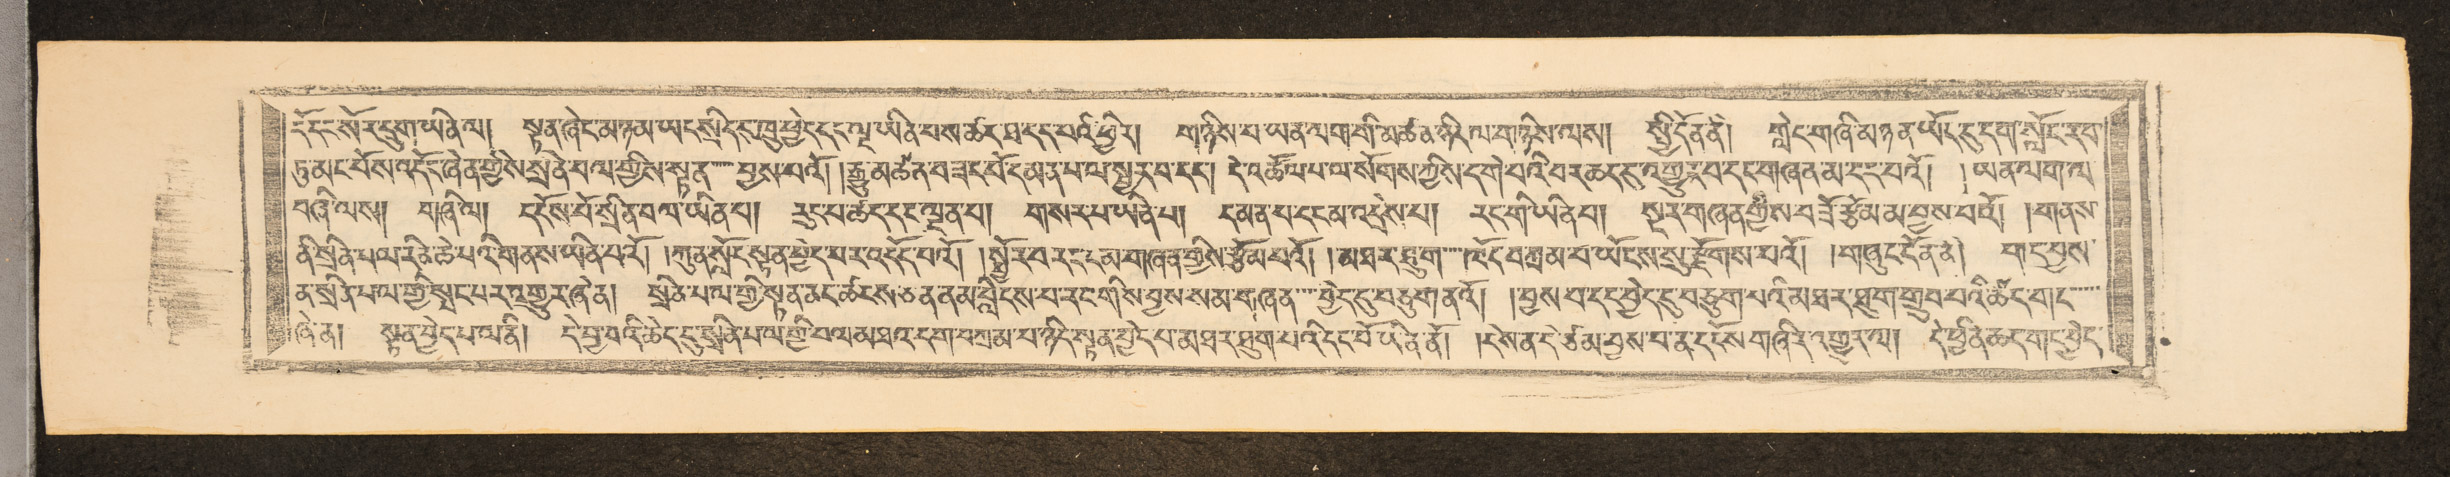དོ་དང་སོར་དྲུག་ཡིན་ལ། སྟན་ཞེད་མཉམ་ཡང་སྲིད་དུ་ཁྲུ་ཕྱེད་དང་ལྔ་ཡིན་པས་ཚད་ཐ་དད་པའི་ཕྱིར། གཉིས་པ་ཡན་ལག་གི་མཚན་ཉིད་ལ་གཉིས་ལས། སྤྱི་དོན་ནི། གླེང་གཞི་མཉན་ཡོད་དུ་དགེ་སློང་རབ་
ཏུ་མང་པོས་འདོད་ཞེན་གྱིས་སྲིན་བལ་གྱིས་སྟན་བྱས་པའོ། །རྒྱུ་མཚན་བཟང་པོ་དམན་པ་ལ་སྦྱར་བ་དང་། དེ་འཚོལ་བ་ལ་སོགས་ཀྱིས་དགེ་བའི་བར་ཆད་དུ་འགྱུར་བ་དང་གཞན་མ་དད་པའོ། །ཡན་ལག་ལ་
བཞི་ལས། གཞི་ལ། དངོས་པོ་སྲིན་བལ་ཡིན་པ། རུང་བ་ཚད་དང་ལྡན་པ། གསར་པ་ཡིན་པ། དམན་པ་དང་མ་འདྲེས་པ། རང་གི་ཡིན་པ། སྔར་གཞན་གྱིས་བཟོ་རྩོམ་མ་བྱས་པའོ། །གནས་
ནི་སྲིན་བལ་རིན་ཆེ་བའི་གནས་ཡིན་པའོ། །ཀུན་སློང་སྟན་བྱེད་པར་འདོད་པའོ། །སྦྱོར་བ་རང་ངམ་གཞན་གྱིས་རྩོམ་པའོ། །མཐར་ཐུག་ཁོད་བཀྲམ་པ་ཡོངས་སུ་རྫོགས་པའོ། །གཞུང་དོན་ནི། གང་བྱས་
ན་སྲིན་བལ་གྱི་སྤང་བར་འགྱུར་ཞེ་ན། སྲིན་པ་ལ་གྱི་སྟན་ནད་ཚངས་ཅན་ནམ་བླིངས་པ་རང་གིས་བྱས་སམ་གཞན་བྱེད་དུ་བཅུག་ནའོ། །བྱས་པ་དང་བྱེད་དུ་བཅུག་པའི་མཐར་ཐུག་གྲུབ་པའི་ཚད་གང་
ཞེ་ན། སྟན་བྱེད་པ་ལ་ནི། དེ་བྱ་བའི་ཆེད་དུ་སྲིན་བལ་གྱི་བལ་མཐའ་དག་བཀྲམ་པ་ཉིད་སྟན་བྱེད་པ་མཐར་ཐུག་པའི་དང་པོ་ཡིན་ནོ། །དེས་ན་དེ་ཙམ་བྱས་པ་ན་དངོས་གཞིར་འགྱུར་ལ། དེ་ཕྱིན་ཆད་གང་བྱེད་